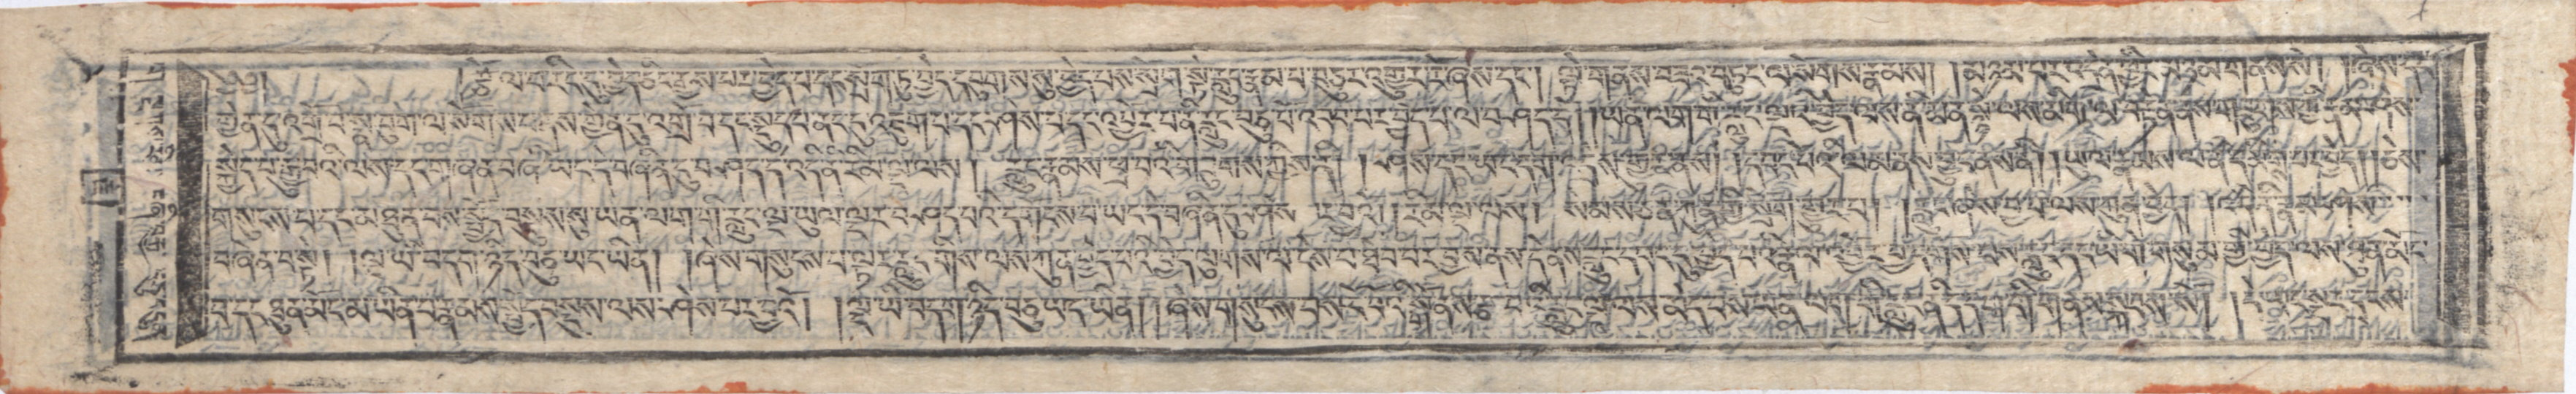༄༅། །རྩོལ་བ་རིང་དུ་བྱེད་ཅིང་རྒྱས་པར་བྱེད་པ་དང་སྲོག་ཏུ་བྱེད་དབུགས་སུ་བྱེད་པས་སྲོག་སྟེ་རླུང་རྣམ་པ་བཅུར་འགྱུར་རོ་ཞེས་དང་། ལྟེ་གནས་བཟའ་བཏུང་ལ་སོགས་རྣམས། །མཉམ་པར་འདྲེན་ཕྱིར་མཉམ་གནས་སོ། །ཞེས་དང་
གྱེན་དུ་འགྲོ་བ་སྣ་བུག་ལ་སོགས་པ་ནས་གྱེན་དུ་འགྲོ་བ་དང་སྡུད་པ་ནང་དུ་འཇུག་པ་དང་ཤེས་པ་དང་འབྱོར་པ་ནི་རླུང་བཅུ་པོ་འབབ་པར་བྱེད་པ་ལ་བཤད་དོ། །ཡན་ལག་གི་རླུང་ལྔའི་བྱེད་ལས་ནི་མན་སྙེ་ལས་མིག་ལ་བརྟེན་ནས་གཟུགས་ཀྱི་རྣམ་ཤེས་
སྐྱེད་པ་རྒྱུ་བའི་ལས་དང་གཞན་བཞི་ཡང་དེ་བཞིན་དུ་བཤད་དེ་འདི་ནི་རིམ་ལྔ་ལས། རླུང་རྣམས་ཕྲ་བའི་གཟུགས་ཀྱིས་ནི། །ཤེས་དང་ཡང་དག་འདྲེས་གྱུར་ནས། །དབང་པོའི་ལམ་ནས་བྱུང་ནས་ནི། །ཡུལ་རྣམས་ལ་ནི་དམིགས་པར་བྱེད། །ཅེས་
གསུངས་པ་དང་མཐུན་བས་སྤྱོད་བསྡུས་སུ་ཡན་ལག་གི་རླུང་ལྔ་ཡུལ་ལྔར་བཤད་པའི་དགོངས་པ་ཡང་དེ་བཞིན་དུ་ཤེས་པར་བྱའོ། །རིམ་ལྔ་ལས། སེམས་ཅན་ཀུན་གྱི་སྲོག་གྱུར་པ། །རླུང་ཞེས་བྱ་བ་ལས་ཀུན་བྱེད། །འདི་ནི་རྣམ་ཤེས་
བཞིན་བ་སྟེ། །ལྔ་ཡི་བདག་ཉིད་བཅུ་ཡང་ཡིན། །ཞེས་གསུངས་པ་ལྟར་རླུང་གིས་ལས་ཀུན་བྱེད་པའི་བྱེད་ལུགས་ལ་ངེས་པ་ཐོབ་པར་བྱས་ནས་དེ་ནས་རླུང་དབང་དུ་བྱེད་པའི་རྣལ་འབྱོར་བྱ་དགོས་པས་རླུང་དང་ཡི་གེ་གསུམ་གྱི་བྱེད་ལས་ཐུན་མོང་
བ་དང་ཐུན་མོང་མ་ཡིན་པ་རྣམས་སྤྱོད་བསྡུས་ལས་ཤེས་པར་བྱའོ། །ལྔ་ཡི་བདག་ཉིད་བཅུ་ཡང་ཡིན། །ཞེས་གསུངས་པས་ངོ་བོའི་སྒོ་ནས་རྩ་བའི་རླུང་ལྔ་ལས་མེད་པས་ཡན་ལག་གི་རླུང་ནི་དེ་དག་གི་གནས་སྐབས་སོ། །དེ་ཡང་སྔར་དྲངས་